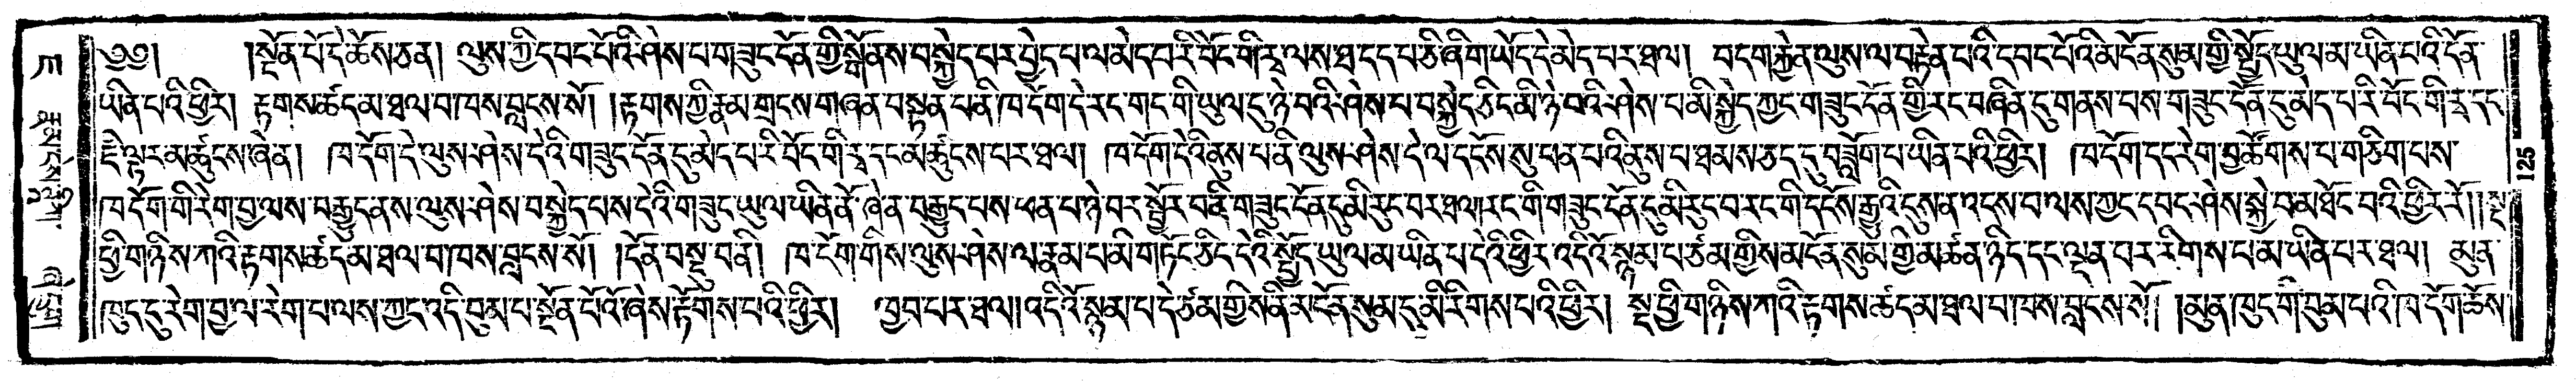༄༅། །སྔོན་པོ་དེ་ཆོས་ཅན། ལུས་ཀྱི་དབང་པོའི་ཤེས་པ་གཟུང་དོན་གྱི་སྒོ་ནས་བསྐྱེད་པར་བྱེད་པ་ལ་མེད་པ་རི་བོང་གི་རྭ་ལས་ཐ་དད་པ་ཅི་ཞིག་ཡོད་དེ་མེད་པར་ཐལ། བདག་རྐྱེན་ལུས་ལ་བརྟེན་པའི་དབང་པོའི་མངོན་སུམ་གྱི་སྤྱོད་ཡུལ་མ་ཡིན་པའི་དོན་
ཡིན་པའི་ཕྱིར། རྟགས་ཚད་མ་ཐལ་བ་ཁས་བླངས་སོ། །རྟགས་ཀྱི་རྣམ་གྲངས་གཞན་བསྟན་པ་ནི་ཁ་དོག་དེ་རང་གང་གི་ཡུལ་དུ་ཉེ་བའི་ཤེས་པ་བསྐྱེད་ཅིང་མི་ཉེ་བའི་ཤེས་པ་མི་སྐྱེད་ཀྱང་གཟུང་དོན་གྱི་རང་བཞིན་དུ་གནས་པས་གཟུང་དོན་དུ་མེད་པ་རི་བོང་གི་རྭ་དང་
ཇི་ལྟར་མཚུངས་ཞེ་ན། ཁ་དོག་དེ་ལུས་ཤེས་དེའི་གཟུང་དོན་དུ་མེད་པ་རི་བོང་གི་རྭ་དང་མཚུངས་པར་ཐལ། ཁ་དོག་དེའི་ནུས་པ་ནི་ལུས་ཤེས་དེ་ལ་དངོས་སུ་ཕན་པའི་ནུས་པ་ཐམས་ཅད་དུ་བཟློག་པ་ཡིན་པའི་ཕྱིར། ཁ་དོག་དང་རེག་བྱ་ཚོགས་པ་གཅིག་པས་
ཁ་དོག་གི་རེག་བྱ་ལས་བརྒྱུད་ནས་ལུས་ཤེས་བསྐྱེད་པས་དེའི་གཟུང་ཡུལ་ཡིན་ནོ་ཞེ་ན་བརྒྱུད་པས་ཕན་པ་ཉེ་བར་སྦྱོར་བ་ནི་གཟུང་དོན་དུ་མི་རུང་བར་ཐལ། རང་གི་གཟུང་དོན་དུ་མི་རུང་བ་རང་གི་དངོས་རྒྱུའི་དུས་ན་འདས་པ་ལས་ཀྱང་དབང་ཤེས་སྐྱེ་བ་མཐོང་བའི་ཕྱིར་རོ། །སྔ་
ཕྱི་གཉིས་ཀའི་རྟགས་ཚད་མ་ཐལ་བ་ཁས་བླངས་སོ། །དོན་བསྡུ་བ་ནི། ཁ་དོག་གིས་ལུས་ཤེས་ལ་རྣམ་པ་མི་གཏོང་ཅིང་དེའི་སྤྱོད་ཡུལ་མ་ཡིན་པ་དེའི་ཕྱིར་འདིའོ་སྙམ་པ་ཙམ་གྱིས་མངོན་སུམ་གྱི་མཚན་ཉིད་དང་ལྡན་པར་རིགས་པ་མ་ཡིན་པར་ཐལ། མུན་
ཁུད་དུ་རེག་བྱ་ལ་རེག་པ་ལས་ཀྱང་འདི་བུམ་པ་སྔོན་པོའོ་ཞེས་རྟོགས་པའི་ཕྱིར། ཁྱབ་པར་ཐལ། འདིའོ་སྙམ་པ་དེ་ཙམ་གྱིས་ནི་མངོན་སུམ་དུ་མི་རིགས་པའི་ཕྱིར། སྔ་ཕྱི་གཉིས་ཀའི་རྟགས་ཚད་མ་ཐལ་བ་ཁས་བླངས་སོ། །མུན་ཁུང་གི་བུམ་པའི་ཁ་དོག་ཆོས་